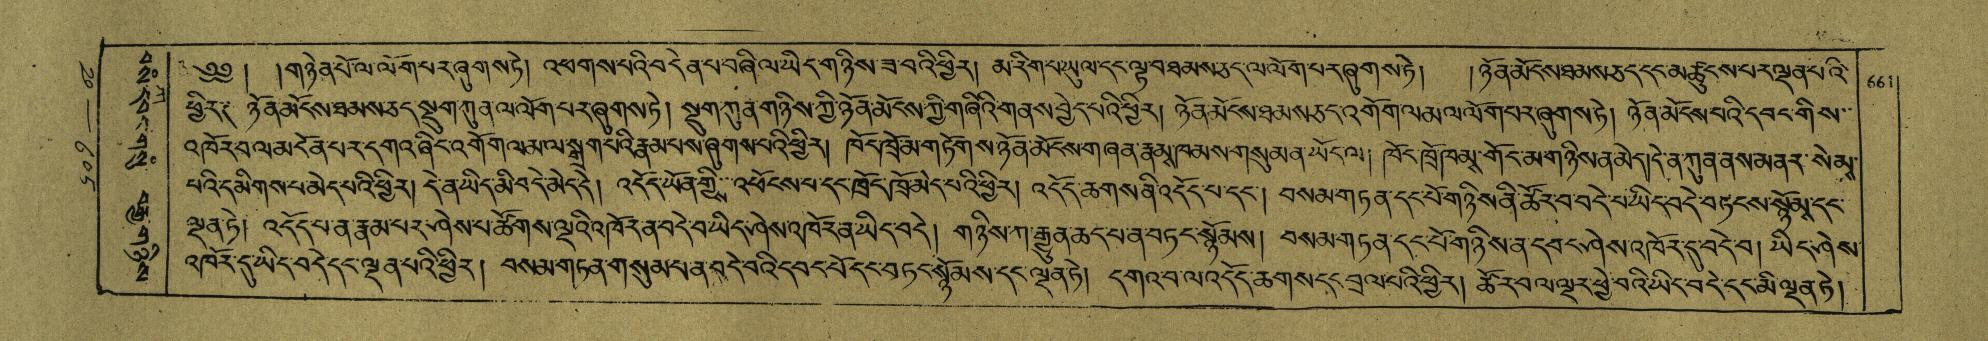༄༅། །གཉེན་པོ་ལ་ལོག་པར་ཞུགས་ཏེ། འཕགས་པའི་བདེན་པ་བཞི་ལ་ཡིད་གཉིས་ཟ་བའི་ཕྱིར། མ་རིག་པ་ཡུལ་དང་ལྟ་བ་ཐམས་ཅད་ལ་ལོག་པར་ཞུགས་ཏེ། །ཉོན་མོངས་ཐམས་ཅད་དང་མཚུངས་པར་ལྡན་པའི་
ཕྱིར༑ ཉོན་མོངས་ཐམས་ཅད་དུ་སྡུག་ཀུན་ལ་ལོག་པར་ཞུགས་ཏེ། སྡུག་ཀུན་གཉིས་ཀྱི་ཉོན་མོངས་ཀྱི་གཞིའི་གནས་བྱེད་པའི་ཕྱིར། ཉོན་མོངས་ཐམས་ཅད་འགོག་ལམ་ལ་ལོག་པར་ཞུགས་ཏེ། ཉོན་མོངས་པའི་དབང་གིས་
འཁོར་བ་ལ་མངོན་པར་དགའ་ཞིང་འགོག་ལམ་ལ་སྒྲག་པའི་རྣམ་པས་ཞུགས་པའི་ཕྱིར། ཁོང་ཁྲོ་མ་གཏོགས་ཉོན་མོངས་གཞན་རྣམས་ཁམས་གསུམ་ན་ཡོད་ལ། ཁོང་ཁྲོ་ཁམས་གོང་མ་གཉིས་ན་མེད། དེ་ན་ཀུན་ནས་མནར་སེམས་
པའི་དམིགས་པ་མེད་པའི་ཕྱིར། དེ་ན་ཡིད་མི་བདེ་མེད་དེ། འདོད་ཡོན་གྱིས་འཕོངས་པ་དང་ཁྲོད་ཁྲོ་མེད་པའི་ཕྱིར། འདོད་ཆགས་ནི་འདོད་པ་དང་། བསམ་གཏན་དང་པོ་གཉིས་ནི་ཚོར་བ་བདེ་པ་ཡིད་བདེ་བཏངས་སྙོམས་དང་
ལྡན་ཏེ། འདོད་པ་ན་རྣམ་པར་ཤེས་པ་ཚོགས་ལྔའི་འཁོར་ན་བདེ་བ་ཡིད་ཤེས་འཁོར་ན་ཡིད་བདེ། གཉིས་ཀ་རྒྱུན་ཆད་པ་ན་བཏང་སྙོམས། བསམ་གཏན་དང་པོ་གཉིས་ན་དབང་ཤེས་འཁོར་དུ་བདེ་བ། ཡིད་ཤེས་
འཁོར་དུ་ཡིད་བདེ་དང་ལྡན་པའི་ཕྱིར། བསམ་གཏན་གསུམ་པ་ན་བདེ་བའི་དབང་པོ་དང་བཏང་སྙོམས་དང་ལྡན་ཏེ། དགའ་བ་ལ་འདོད་ཆགས་དང་བྲལ་པའི་ཕྱིར། ཚོར་བ་ལ་ལྔར་ཕྱེ་བའི་ཡིད་བདེ་དང་མི་ལྡན་ཏེ།